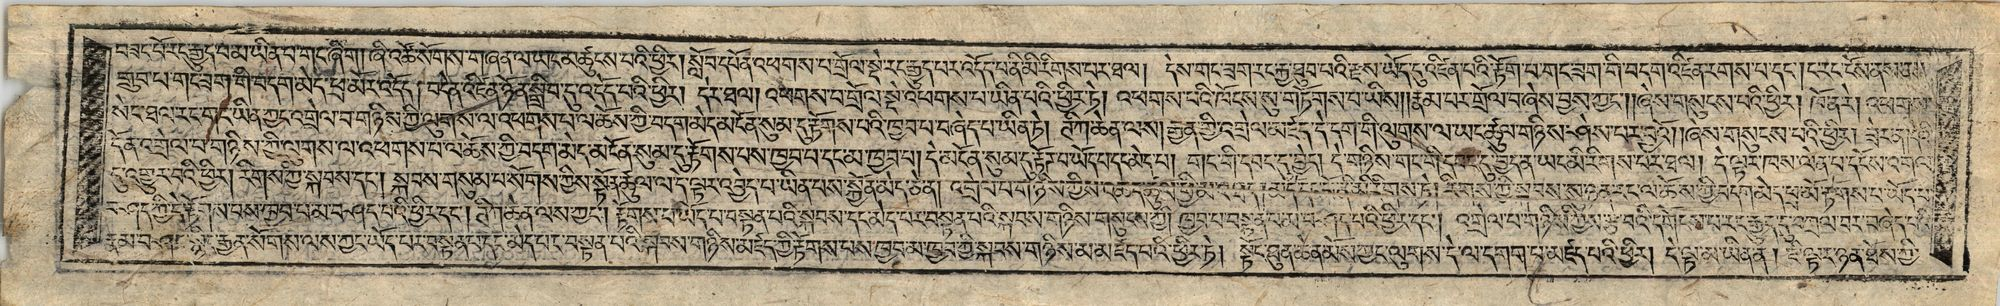བཟང་པོ་རང་རྒྱུད་པ་མ་ཡིན་པ་གང་ཞིག །ཞི་འཚོ་སོགས་གཞན་ལ་ཡང་མཚུངས་པའི་ཕྱིར། སློབ་དཔོན་འཕགས་པ་གྲོལ་སྡེ་རང་རྒྱུད་པར་འདོད་པ་ནི་མི་རིགས་པར་ཐལ། དེས་གང་ཟག་རང་རྐྱ་ཐུབ་པའི་རྫས་ཡོད་དུ་འཛིན་པའི་རྟོག་པ་གང་ཟག་གི་བདག་འཛིན་རགས་པ་དང་། ང་རང་ངོས་ནས་མ་
གྲུབ་པ་གང་ཟག་གི་བདག་མེད་ཕྲ་མོར་འདོད། བདེན་འཛིན་ཉོན་སྒྲིབ་དུ་འདོད་པའི་ཕྱིར། དེར་ཐལ། འཕགས་པ་གྲོལ་སྡེ་འཕགས་པ་ཡིན་པའི་ཕྱིར་ཏེ། འཕགས་པའི་ཁོངས་སུ་གཏོགས་པ་ཡིས། །རྣམ་པར་གྲོལ་བ་ཞེས་བྱས་ཀྱང་། །ཞེས་གསུངས་པའི་ཕྱིར། ཁོ་ན་རེ། འཕགས་
སེང་ཐལ་རང་གང་ཡིན་ཀྱང་འགྲེལ་བ་གཉིས་ཀྱི་ལུགས་ལ་འཕགས་པ་ལ་ཆོས་ཀྱི་བདག་མེད་མངོན་སུམ་དུ་རྟོགས་པའི་ཁྱབ་པ་བཞེད་པ་ཡིན་ཏེ། ཊིཀ་ཆེན་ལས། རྒྱན་གྱི་འགྲེལ་མཛད་དེ་དག་གི་ལུགས་ལ་ཡང་ཚུལ་གཉིས་ཤེས་པར་བྱའོ། །ཞེས་གསུངས་པའི་ཕྱིར། ཟེར་ན། དེའི་
དོན་འགྲེལ་པ་གཉིས་ཀྱི་ལུགས་ལ་འཕགས་པ་ལ་ཆོས་ཀྱི་བདག་མེད་མངོན་སུམ་དུ་རྟོགས་པས་ཁྱབ་པ་དང་མ་ཁྱབ་པ། དེ་མངོན་སུམ་དུ་རྟོགས་པ་ཡོད་པ་དང་མེད་པ། གང་གི་དབང་དུ་བྱེད། དེ་གཉིས་གང་གི་དབང་དུ་བྱེད་ན་ཡང་མི་རིགས་པར་ཐལ། དེ་ལྟར་ཁས་ལེན་པ་དངོས་འགལ་
དུ་འགྱུར་བའི་ཕྱིར། རིགས་ཀྱི་སྐབས་དང་། སྐབས་གསུམ་པ་སོགས་ཀྱིས་སྟོན་ཚུལ་ལ་དེ་ལྟར་འབྱེད་པ་ཡིན་པས་སྐྱོན་མེད་ཅེ་ན། འགྲེལ་པ་གཉིས་ཀྱིས་འཆད་ཚུལ་ཕྱི་མ་འཐད། མདོ་དང་པོ་ནི་མི་རིགས་ཏེ། རིགས་ཀྱི་སྐབས་སུ་ཉན་རང་ལ་ཆོས་ཀྱི་བདག་མེད་ཕྲ་མོ་རྟོགས་པ་ཡོད་པ་
བཤད་ཀྱི་དེ་རྟོགས་པས་ཁྱབ་པ་མ་བཤད་པའི་ཕྱིར་དང་། ཊིཀ་ཆེན་ལས་ཀྱང་། རྟོགས་པ་ཡོད་པ་བསྟན་པའི་སྐབས་དང་མེད་པར་བསྟན་པའི་སྐབས་གཉིས་གསུངས་ཀྱི། ཁྱབ་པ་བསྟན་པ་མ་བཤད་པའི་ཕྱིར་དང་། འགྲེལ་པ་གཉིས་ཀྱིས་རྩ་བའི་དགོངས་པ་རང་རྒྱུད་དུ་བཀྲལ་བར་བཞེད་པའི་
རྣམ་བཤད་སྙིང་རྒྱན་སོགས་ལས་ཀྱང་ཡོད་པར་བསྟན་པ་དང་མེད་པར་བསྟན་པའི་སྐབས་གཉིས་མཛད་ཀྱི་རྟོགས་པས་ཁྱབ་མ་ཁྱབ་ཀྱི་སྐབས་གཉིས་མ་མཛད་པའི་ཕྱིར་ཏེ། སྟོང་ཐུན་ཆེན་མོས་ཀྱང་ལུགས་དེ་ལ་དགག་པ་མཛད་པའི་ཕྱིར། དེ་ལྟ་མ་ཡིན་ན། ཇི་ལྟར་ཉན་ཐོས་ཀྱི་